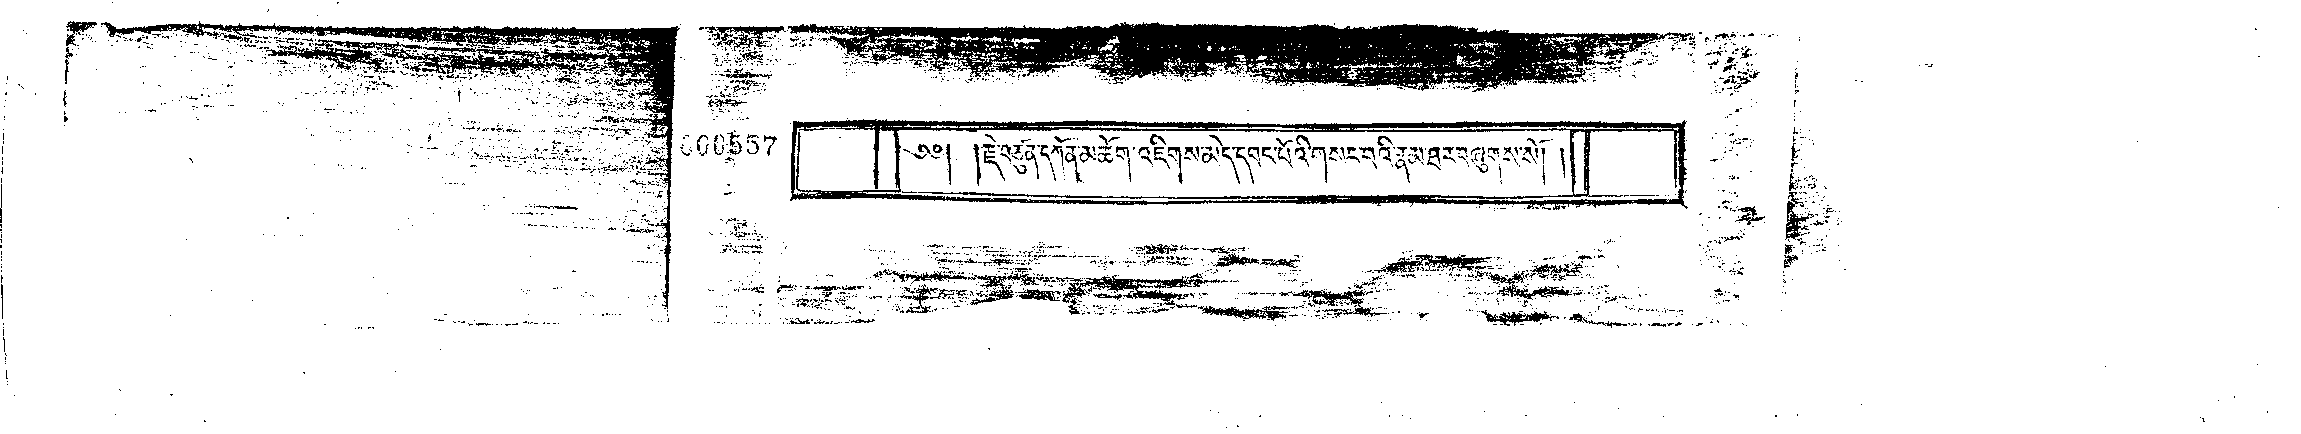༄༅། །རྗེ་བཙུན་དཀོན་མཆོག་འཇིགས་མེད་དབང་པོའི་གསང་བའི་རྣམ་ཐར་བཞུགས་སོ། །